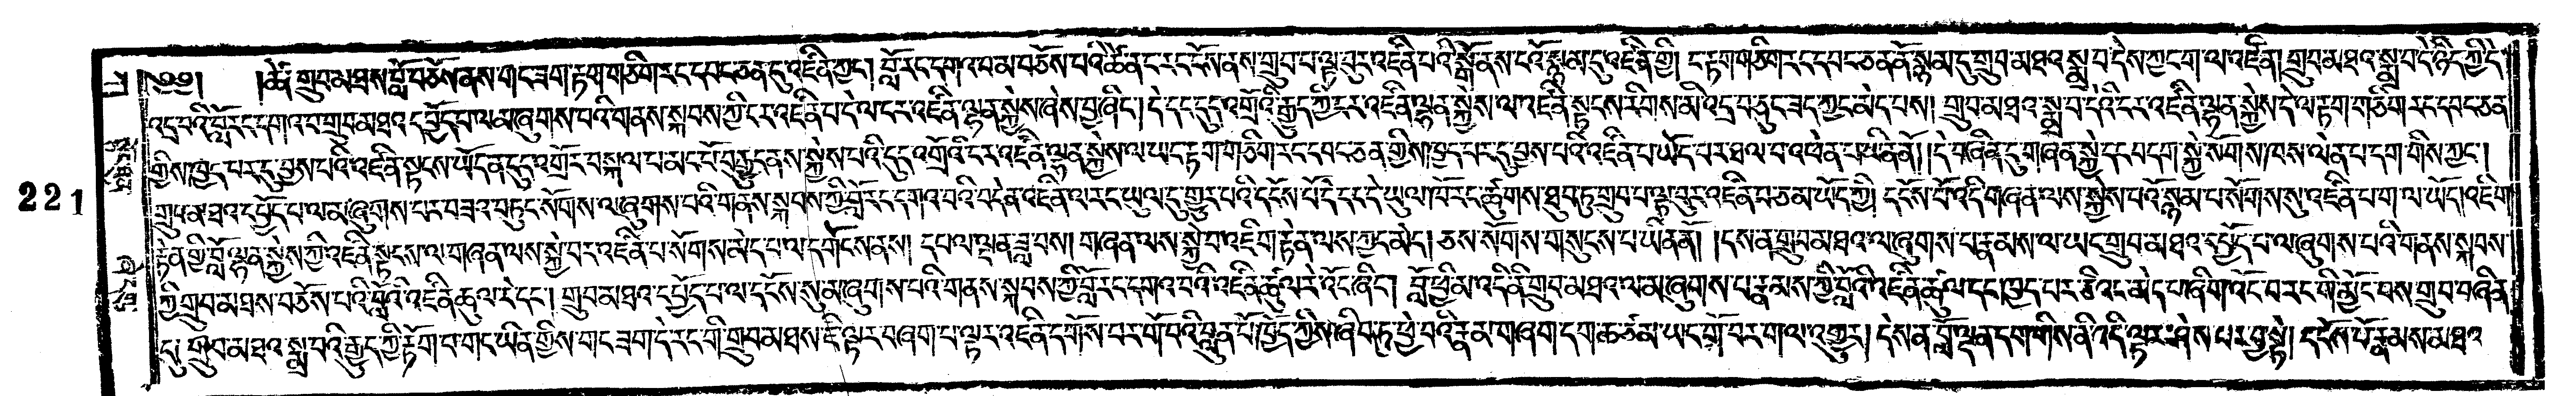༄༅། །ཚེ༑ གྲུབ་མཐས་བློ་བཅོས་ནས་གང་ཟག་རྟག་གཅིག་རང་དབང་ཅན་དུ་འཛིན་ཀྱང་། བློ་རང་དགའ་བ་མ་བཅོས་པའི་ཚེ་ནང་རང་ངོས་ནས་གྲུབ་པ་ལྟ་བུར་འཛིན་པའི་སྒོ་ནས་ངའོ་སྙམ་དུ་འཛིན་གྱི། ང་རྟག་གཅིག་རང་དབང་ཅན་ནོ་སྙམ་དུ་གྲུབ་མཐའ་སྨྲ་པ་དེས་ཀྱང་ག་ལ་འཛིན། གྲུབ་མཐའ་སྨྲ་བ་དེ་ཉིད་ཀྱི་དེ་
འདྲ་བའི་བློ་རང་དགའ་བ་གྲུབ་མཐའ་དཔྱོད་པ་ལམ་ཞུགས་བའི་གནས་སྐབས་ཀྱི་ངར་འཛིན་པ་དེ་ལ་ངར་འཛིན་ལྷན་སྐྱེས་ཞེས་བྱ་ཞིང་། དེ་དང་དུད་འགྲོའི་རྒྱུད་ཀྱི་ངར་འཛིན་ལྷན་སྐྱེས་ལ་འཛིན་སྟངས་རིགས་མི་འདྲ་བ་ཅུང་ཟད་ཀྱང་མེད་པས། གྲུབ་མཐའ་སྨྲ་བ་དེའི་ངར་འཛིན་ལྷན་སྐྱེས་དེ་ལ་རྟག་གཅིག་རང་དབང་ཅན་
གྱིས་ཁྱད་པར་དུ་བྱས་པའི་འཛིན་སྟངས་ཡོད་ན་དུད་འགྲོར་བསྐལ་པ་མང་པོ་བརྒྱུད་ནས་སྐྱེས་པའི་དུད་འགྲོའི་ངར་འཛིན་ལྷན་སྐྱེས་ལ་ཡང་རྟག་གཅིག་རང་དབང་ཅན་གྱིས་ཁྱད་པར་དུ་བྱས་པའི་འཛིན་པ་ཡོད་པར་ཐལ་བ་འཕེན་པ་ཡིན་ནི། །དེ་བཞིན་དུ་གཞན་སྐྱེ་དང་བདག་སྐྱེ་སོགས་ཁས་ལེན་པ་དག་གིས་ཀྱང་།
གྲུབ་མཐའ་དཔྱོད་པ་ལ་མ་ཞུགས་པར་བཟའ་བཏུང་སོགས་ལ་ཞུགས་པའི་གནས་སྐབས་ཀྱི་བློ་རང་དགའ་བའི་བདེན་འཛིན་ལ་ནང་ཡུལ་དུ་གྱུར་པའི་དངོས་པོ་དེ་དང་དེ་ཡུལ་ཁོ་རང་ཚུགས་ཐུབ་ཏུ་གྲུབ་པ་ལྟ་བུར་འཛིན་པ་ཙམ་ཡོད་ཀྱི། དངོས་པོ་འདི་གཞན་ལས་སྐྱེས་པའོ་སྙམ་པ་སོགས་སུ་འཛིན་པ་ག་ལ་ཡོད། འཇིག་
རྟེན་གྱི་བློ་ལྷན་སྐྱེས་ཀྱི་འཛིན་སྟངས་ལ་གཞན་ལས་སྐྱེ་བར་འཛིན་པ་སོགས་མེད་པ་ལ་དགོངས་ནས། དཔལ་ལྡན་ཟླ་བས། གཞན་ལས་སྐྱེ་བ་འཇིག་རྟེན་ལས་ཀྱང་མེད། ཅས་སོགས་གསུངས་པ་ཡིན་ནོ། །དས་ན་གྲུབ་མཐའ་ལ་ཞུགས་པ་རྣམས་ལ་ཡང་གྲུབ་མཐའ་དཔྱོད་པ་ལ་ཞུགས་པའི་གནས་སྐབས་
ཀྱི་གྲུབ་མཐས་བཅོས་པའི་བློའི་འཛིན་ཆུལ་རེ་དང་། གྲུབ་མཐའ་དཔྱོད་པ་ལ་དངོས་སུ་མ་ཞུགས་པའི་གནས་སྐབས་ཀྱི་བློ་རང་དགའ་བའི་འཛིན་ཚུལ་རེ་འོང་ཞིང་། བློ་ཕྱི་མ་འདི་ནི་གྲུབ་མཐའ་ལ་མ་ཞུགས་པ་རྣམས་ཀྱི་བློའི་འཛིན་ཚུལ་དང་ཁྱད་པར་ཅིའང་མེད་པ་ཞིག་འོང་བ་རང་གི་མྱོང་བས་གྲུབ་བཞིན་
དུ༑ གྲུབ་མཐའ་སྨྲ་བའི་རྒྱུད་ཀྱི་རྟོག་པ་གང་ཡིན་གྱིས་གང་ཟག་དེ་རང་གི་གྲུབ་མཐས་ཇི་ལྟར་བཞག་པ་ལྟར་འཛིན་དགོས་བར་གོ་བའི་བླུན་པོ་ཁྱོད་ཀྱིས་ཞིབ་ཏུ་ཕྱེ་བའི་རྣམ་གཞག་དག་ཆ་ཙམ་ཡང་གོ་བར་ག་ལ་འགྱུར། དེས་ན་བློ་ལྡན་དག་གིས་ནི་འདི་ལྟར་ཤེས་པར་བྱ་སྟེ། དངོས་པོ་རྣམས་མཐའ་